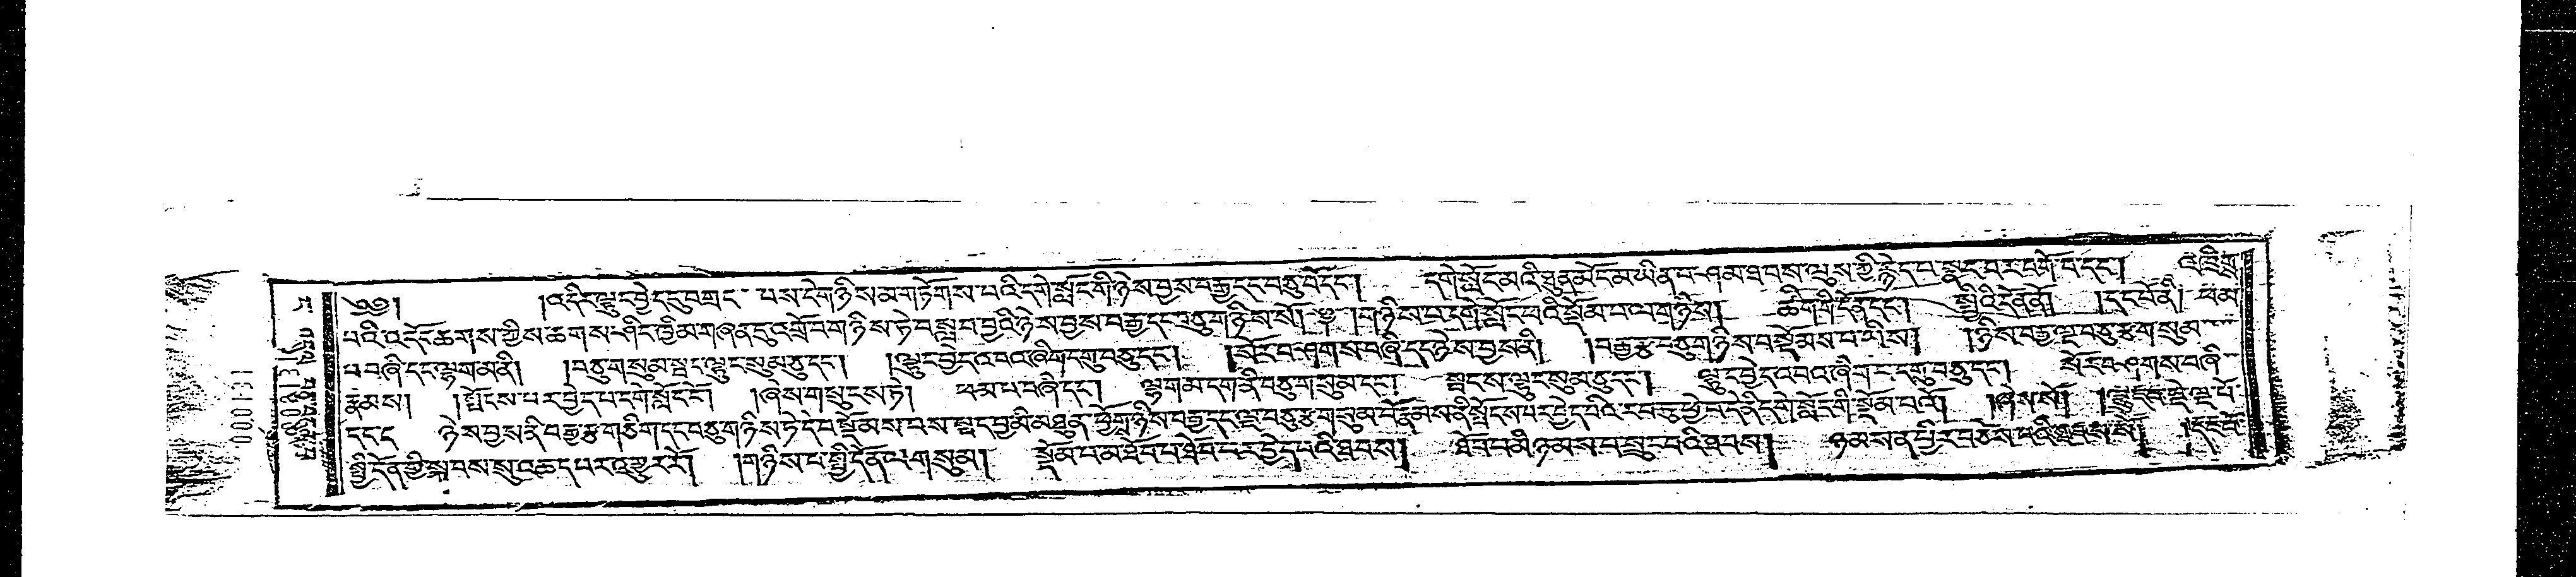༄༅། །འདིར་ལྟུང་བྱེད་དུ་བགྲང་པས་དེ་གཉིས་མ་གཏོགས་པའི་དགེ་སློང་གི་ཉེས་བྱས་བརྒྱ་དང་བཅུ་པོ་དང་། དགེ་སློང་མའི་ཐུན་མོང་མ་ཡིན་པ་ཤམ་ཐབས་ལུས་ཀྱི་རྙེད་པ་སྣང་བར་བགོ་བ་དང་། འཁྲིགས་
པའི་འདོང་ཆགས་ཀྱིས་ཆགས་ཤིང་ཁྱིམ་གཞན་དུ་འགྲོ་བ་གཉིས་ཏེ་བསླབ་བྱའི་ཉེས་བྱས་བརྒྱ་དང་བཅུ་གཉིས་སོ། ༈ །གཉིས་པ་དགེ་སློང་ཕའི་སྡོམ་པ་ལ་གཉིས། ཚིག་གི་དོན་དང་། སྤྱིའི་དོན་ནོ། །དང་པོ་ནི། ཕམ་
པ་བཞི་དང་ལྷག་མ་ནི། །བཅུ་གསུམ་སྤང་ལྟུང་སུམ་ཅུ་དང་། །ལྟུང་བྱེད་འབའ་ཞིག་དགུ་བཅུ་དང་། །སོར་བཤགས་བཞི་དང་ཉེས་བྱས་ནི། །བརྒྱ་རྩ་བཅུ་གཉིས་བསྡོམས་པ་ཡིས། །ཉིས་བརྒྱ་ལྔ་བཅུ་རྩ་གསུམ་
རྣམས། །སྤོངས་པར་བྱེད་པ་དགེ་སློང་ངོ། །ཞེས་གསུངས་ཏེ། ཕམ་པ་བཞི་དང་། ལྷག་མ་དག་ནི་བཅུ་གསུམ་དང་། སྤངས་ལྟུང་སུམ་ཅུ་དང་། ལྟུང་བྱེད་འབའ་ཞིག་བ་དགུ་བཅུ་དང་། སོར་བཤགས་བཞི་
དང་ད་ཉེས་བྱས་ནི་བརྒྱ་རྩ་གཅིག་དང་བཅུ་གཉིས་ཏེ་དེ་བསྡོམས་པས་སྤང་བྱ་མི་མཐུན་ཕྱོགས་ཉིས་བརྒྱ་དང་ལྔ་བཅུ་རྩ་གསུམ་པོ་རྣམས་ནི་སྤོངས་པར་བྱེད་པའི་རབ་ཏུ་ཕྱེ་བ་དེ་ནི་དགེ་སློང་གི་སྡོམ་པའོ། །ཞེས་སོ། །ལྟུང་བ་སྡེ་ལྔ་པོ་
སྤྱི་དོན་གྱི་སྐབས་སུ་འཆད་པར་འགྱུར་རོ། །གཉིས་པ་སྤྱི་དོན་ལ་གསུམ། སྡོམ་པ་མ་ཐོབ་པ་ཐོབ་པར་བྱེད་པའི་ཐབས། ཐོབ་པ་མི་ཉམས་པ་སྲུང་བའི་ཐབས། ཉམས་ན་ཕྱིར་བཅོས་པའི་ཐབས་སོ། །དང་པོ་